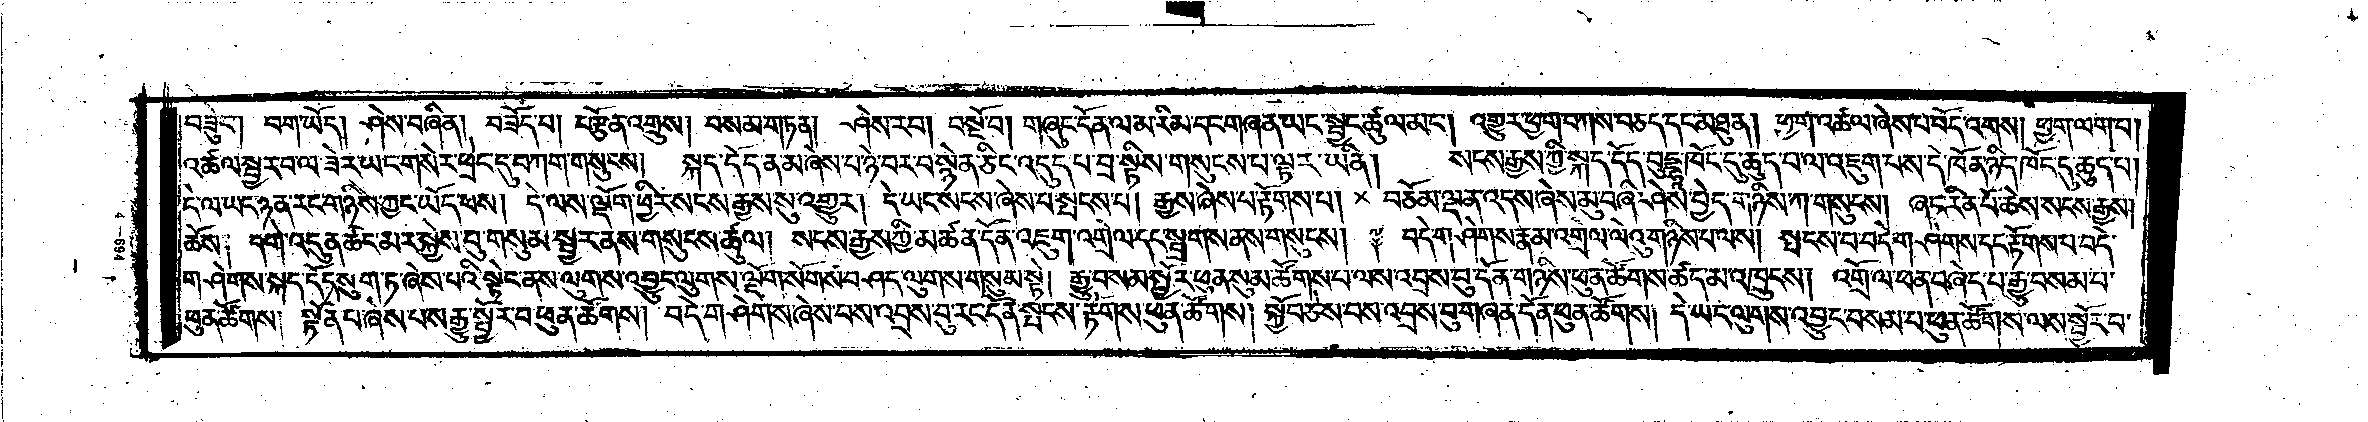བཟུང་། བག་ཡོད། ཤེས་བཞིན། བཟོད་པ། བརྩོན་འགྲུས། བསམ་གཏན། ཤེས་རབ། བསྔོ་བ། གཞུང་དོན་ལམ་རིམ་དང་གཞན་ཡང་སྦྱང་ཚུལ་མང་། འགྱུར་ཕྱག་བཀས་བཅད་དང་མཐུན། ཕྱག་འཚལ་ཞེས་པ་བོད་འགས། ཕྱག་ལག་པ།
འཚལ་སྦྱར་བ་ལ་ཟེར་ཡང་གསེར་ཕྲེང་དུ་བཀག་གསུངས། སྐད་དོད་ནམ་ཞེས་པ་ཉེ་བར་བསྙེན་ཅིང་འདུད་པ་བྲ་སྟིས་གསུངས་པ་ལྟར་ཡིན། སངས་རྒྱས་ཀྱི་སྐད་དོད་བུདྡྷཱ་ཁོང་དུ་ཆུད་པ་ལ་འཇུག་པས་དེ་ཁོ་ན་ཉིད་ཁོང་དུ་ཆུད་པ།
དེ་ལ་ཡང་ཉན་རང་གཉིས་ཀྱང་ཡོད་པས། དེ་ལས་ལྡོག་ཕྱིར་སངས་རྒྱས་སུ་འགྱུར། དེ་ཡང་སངས་ཞེས་པ་སྤངས་པ། རྒྱས་ཞེས་པ་རྟོགས་པ། ྾་བཅོམ་ལྡན་འདས་ཞེས་མུ་བཞིར་ཤེས་བྱེད་གཉིས་ཀ་གསུངས། ཞང་རིན་པོ་ཆེས་སངས་རྒྱས།
ཆོས༑ དགེ་འདུན་ཚང་མར་སྐྱེས་བུ་གསུམ་སྦྱར་ནས་གསུངས་ཚུལ། སངས་རྒྱས་ཀྱི་མཚན་དོན་འཇུག་འགྲེལ་དང་སྦྲགས་ནས་གསུངས། ༈ བདེ་གཤེགས་རྣམ་འགྲེལ་ལེའུ་གཉིས་པ་ལས། སྤངས་བ་བདེ་གཤེགས་དང་རྟོགས་པ་བདེ་
གཤེགས་སྐད་དོད་སུ་ག་ཏ་ཞེས་པའི་སྟེང་ནས་ལུགས་འབྱུང་ལུགས་ལྡོག་སོགས་བཤད་ལུགས་གསུམ་སྟེ། རྒྱུ་བསམ་སྦྱོར་ཕུན་ཚུམ་ཚོགས་པ་ལས་འབྲས་བུ་དོན་གཉིས་ཕུན་ཚོགས་ཚད་མ་འཁྲུངས། འགྲོ་ལ་ཕན་བཞེད་པ་རྒྱུ་བསམ་པ་
ཕུན་ཚོགས། སྟོན་པ་ཞེས་པས་རྒྱུ་སྦྱོར་བ་ཕུན་ཚོགས། བདེ་གཤེགས་ཞེས་པས་འབྲས་བུ་རང་དོན་སྤངས་རྟོགས་ཕུན་ཚོགས། སྐྱོ་བཅེས་པས་འབྲས་བུ་གཞན་དོན་ཕུན་ཚོགས། དེ་ཡང་ལུགས་འབྱུང་བསམ་པ་ཕུན་ཚོགས་ལས་སྦྱོར་བ་